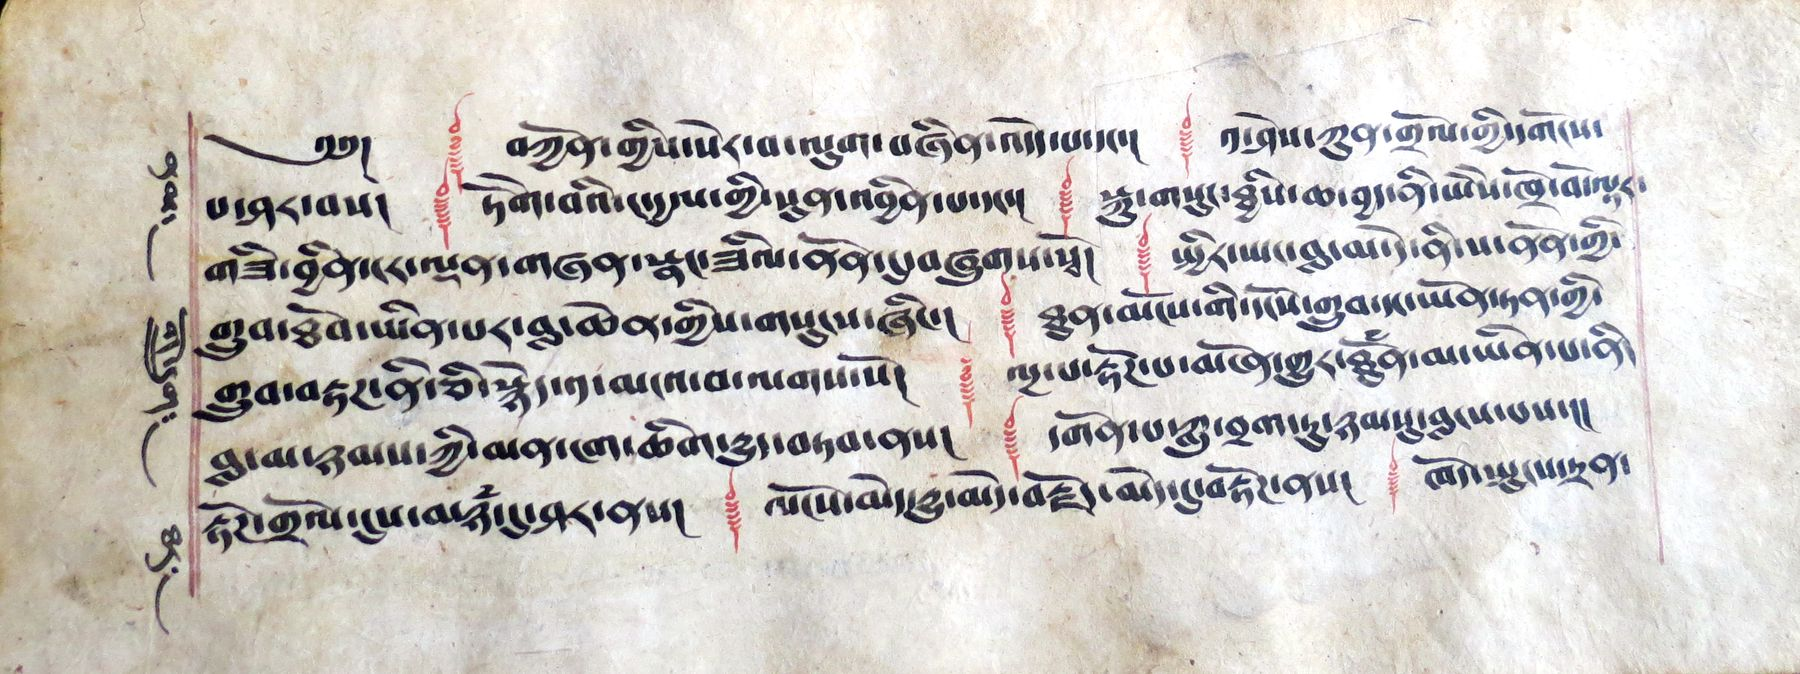བཀྱོན་གྱིས་སེར་བ་ལུག་བཞིན་འདེད་པ་དང་། གཅིག་ཤེས་ཀུན་གྲོལ་གྱི་དགོངས་
པ་ཤར་བས། རྟོག་གེ་བའི་ང་རྒྱལ་སུན་འབྱིན་པ་དང་། སྐུ་གསུང་ཐུགས་ཀྱི་ཆ་བྱད་ནི་ཡེ་ཤེས་ཁྲོ་བོ་ལྟར་
གཟི་བྱིན་ངར་ལྡན་གཞན་སྣང་ཟིལ་ནོན་དུ་བཞུགས་སོ། སྤྱིར་ཡང་བླ་མ་དེ་ནི་ས་ནོན་གྱི་
གྲུབ་ཐོབ་ཡིན་པར། བླ་ཆེན་གྱིས་གསུངས་ཤིང་། ཐུན་མོང་གི་དངོས་གྲུབ་དང་ཡོན་ཏན་གྱི་
གྲུབ་རྟགས་ནི་ཅི་སྙེད་ཅིག་མངའ་བ་ལགས་སོ། ། ལྔ་པ་རྟོགས་པ་མངོན་གྱུར་ཐུན་མོང་མ་ཡིན་པ་ནི། 
བླ་མས་ཉམས་ཀྱི་མན་ངག་གཅིག་རྒྱུད་བཏབ་ནས། དགོན་པ་ཀླུ་བྲག་ཏུ་ཉམས་སུ་བླངས་པས། 
རྟོགས་གྲོལ་དུས་མཉམ་དུ་ཤར་ནས། དངོས་མེད་རྒྱུ་མེད་བརྗོད་མེད་དུ་རྟོགས་ནས། ་ཁོད་སྤུངས་དྲན་པའི་